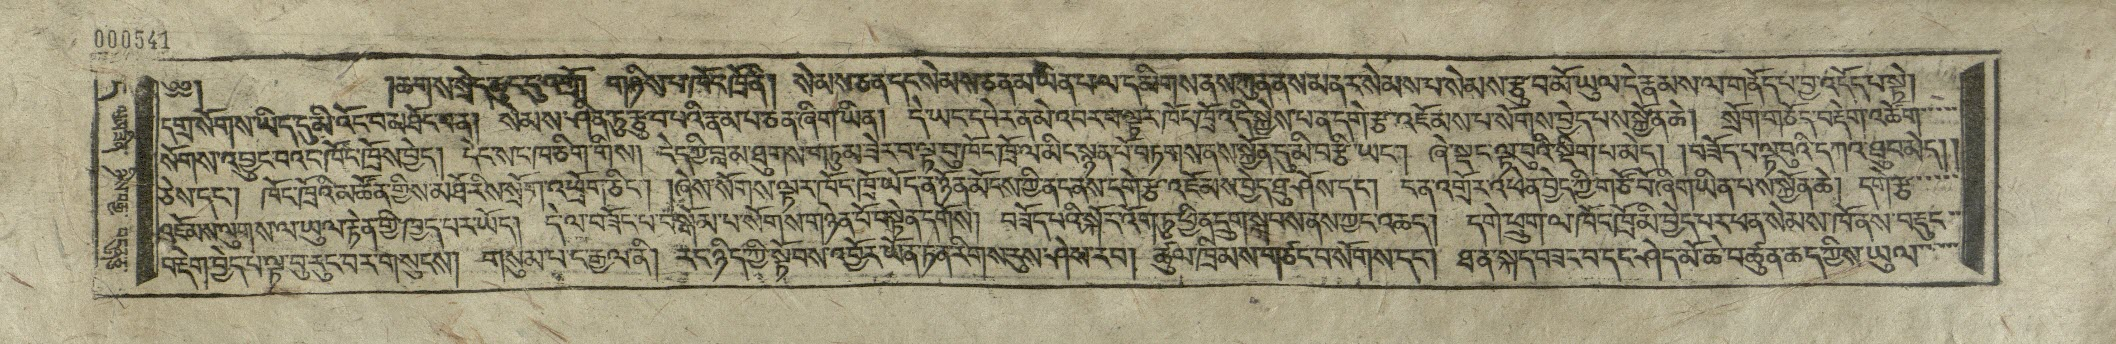༄༅། །ཆགས་སྲེད་ཆུང་དུ་འགྲོ། གཉིས་པ་ཁོང་ཁྲོ་ནི། སེམས་ཅན་དང་སེམས་ཅན་མ་ཡིན་པ་ལ་དམིགས་ནས་ཀུན་ནས་མནར་སེམས་པ་སེམས་རྩུབ་མོ་ཡུལ་དེ་རྣམས་ལ་གནོད་པ་བྱ་འདོད་པ་སྟེ།
དགྲ་སོགས་ཡིད་དུ་མི་འོང་བ་མཐོང་བ་ན། སེམས་ཤིན་ཏུ་རྩུབ་པའི་རྣམ་པ་ཅན་ཞིག་ཡིན། དེ་ཡང་དཔེར་ན་མེ་འབར་བ་ལྟར་ཁོང་ཁྲོ་འདི་སྐྱེས་པ་ན་དགེ་རྩ་འཇོམས་པ་སོགས་བྱེད་པས་སྐྱོན་ཆེ། སྲོག་གཅོད་བརྡེག་འཚོག་
སོགས་འབྱུང་བའང་ཁོང་ཁྲོས་བྱེད། དེང་སང་ཁ་ཅིག་གིས། ངེད་ཀྱི་བླ་མ་ཐུགས་གཏུམ་ཟེར་བ་ལྟ་བུ་ཁོང་ཁྲོ་ལ་མིང་སྙན་པོ་བཏགས་ནས་སྐྱོན་དུ་མི་བརྩི་ཡང་། ཞེ་སྡང་ལྟ་བུའི་སྡིག་པ་མེད། །བཟོད་པ་ལྟ་བུའི་དཀའ་ཐུབ་མེད། །
ཅེས་དང་། ཁོང་ཁྲོའི་མཚོན་གྱིས་མཐོ་རིས་སྲོག་འཕྲོག་ཅིང་། །ཞེས་སོགས་ལྟར་ཁོང་ཁྲོ་ཡོད་ན་ཉོན་མོངས་ཀྱི་ནང་ནས་དགེ་རྩ་འཇོམས་བྱེད་ཐུ་ཤོས་དང་། ངན་འགྲོར་འཕེན་བྱེད་ཀྱི་གཙོ་བོ་ཞིག་ཡིན་པས་སྐྱོན་ཆེ། དགེ་རྩ་
འཇོམས་ལུགས་ལ་ཡུལ་རྟེན་གྱི་ཁྱད་པར་ཡོད། དེ་ལ་བཟོད་པ་བསྒོམ་པ་སོགས་གཉེན་པོ་བསྟེན་དགོས། བཟོད་པའི་སྐོར་འོག་ཏུ་ཕྱིན་དྲུག་སྐབས་ནས་ཀྱང་འཆད། དགེ་ཕྲུག་ལ་ཁོང་ཁྲོ་མི་བྱེད་པར་ཕན་སེམས་ཁོ་ནས་བརྡུང་
བརྡེག་བྱེད་པ་ལྟ་བུ་རུང་བར་གསུངས། གསུམ་པ་ང་རྒྱལ་ནི། རང་ཉིད་ཀྱི་སྟོབས་འབྱོར་ཡོན་ཏན་རིགས་རུས་ཤེས་རབ། ཚུལ་ཁྲིམས་གཙང་བ་སོགས་དང་། ཐ་ན་སྐད་བཟང་བ་དང་ཤེད་མོ་ཆེ་བ་ཚུན་ཆད་ཀྱིས་ཡུལ་